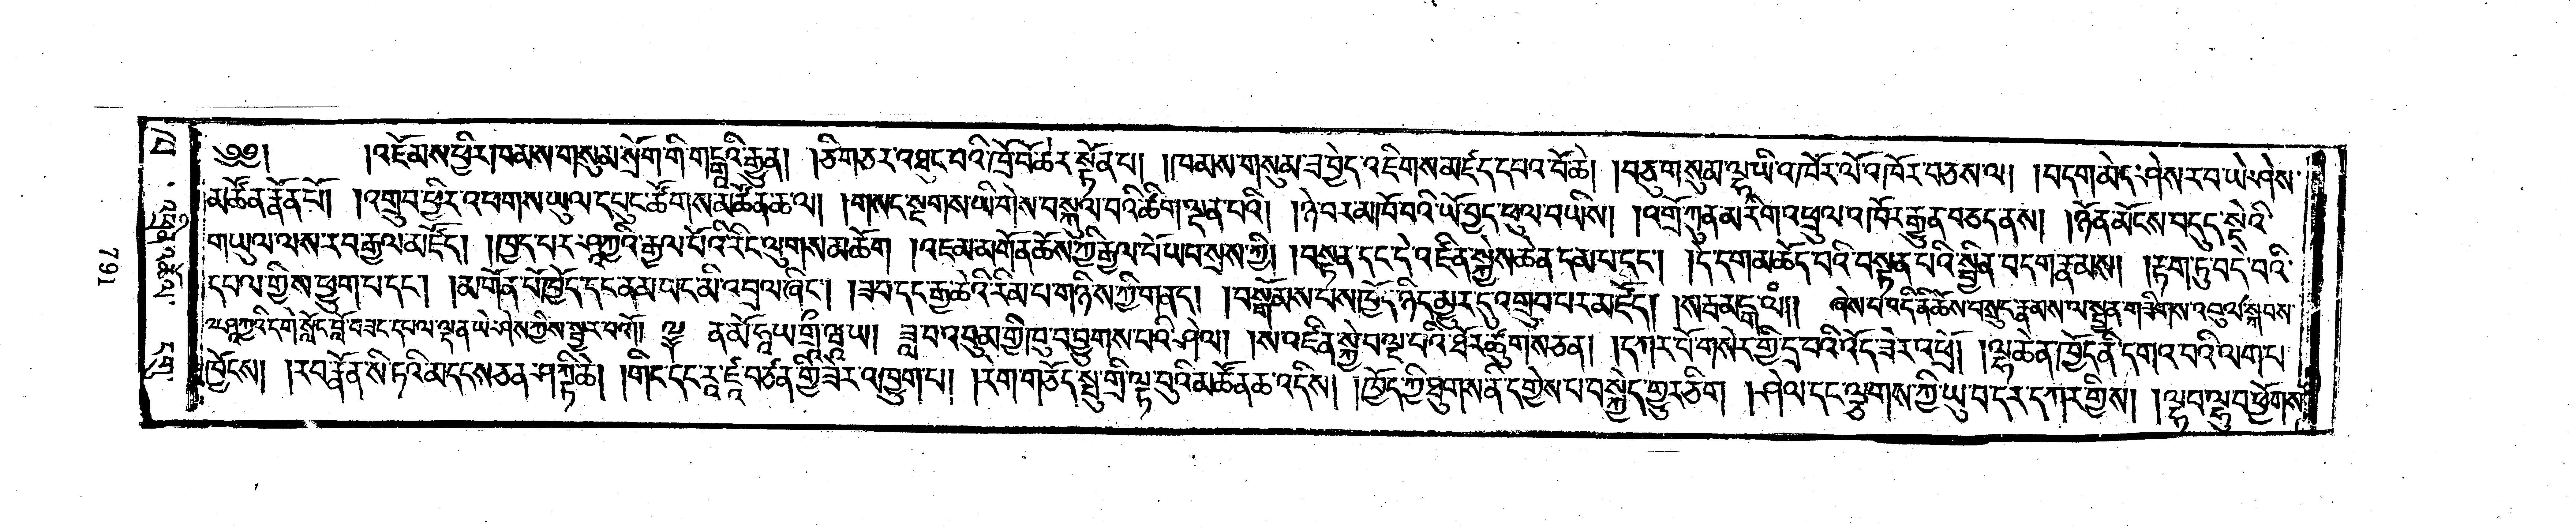༄༅། །འཇོམས་ཕྱིར་ཁམས་གསུམ་སྲོག་གི་གངྒཱའི་རྒྱུན། །ཅིག་ཅར་འཐུང་བའི་ཁྲོ་བོ་ཆེར་སྟོན་པ། །ཁམས་གསུམ་ཟ་བྱེད་འཇིགས་མཛད་དཔའ་བོ་ཆེ། །བཅུ་གསུམ་ལྷ་ཡི་འཁོར་ལོ་འཁོར་བཅས་ལ། །བདག་མེད་ཤེས་རབ་ཡེ་ཤེས་
མཚོན་རྣོན་པོ། །འགྲུབ་ཕྱིར་འཕགས་ཡུལ་དཔུང་ཚོགས་མཚོན་ཆ་ལ། །གསང་སྔགས་ཡི་གེས་བསྐུལ་བའི་ཚིག་ལྡན་པའི། །ཉེ་བར་མཁོ་བའི་ཡོ་བྱད་ཕུལ་བ་ཡིས། །འགྲོ་ཀུན་མ་རིག་འཕྲུལ་འཁོར་རྒྱུན་བཅད་ནས། །ཉོན་མོངས་བདུད་སྡེའི་
གཡུལ་ལས་རབ་རྒྱལ་མཛོད། །ཁྱད་པར་ཤཱཀྱའི་རྒྱལ་པོའི་རིང་ལུགས་མཆོག །འཇམ་མགོན་ཆོས་ཀྱི་རྒྱལ་པོ་ཡབ་སྲས་ཀྱི། །བསྟན་དང་དེ་འཛིན་སྐྱེས་ཆེན་དམ་པ་དང་། །དེ་དག་མཆོད་པའི་བསྟན་པའི་སྦྱིན་བདག་རྣམས། །རྟག་ཏུ་བདེ་བའི་
དཔལ་གྱིས་ཕྱུག་པ་དང་། །མགོན་པོ་ཁྱོད་དང་ནམ་ཡང་མི་འབྲལ་ཞིང་། །ཟབ་དང་རྒྱ་ཆེའི་རིམ་པ་གཉིས་ཀྱི་གནད། །བསྒོམས་པས་ཁྱོད་ཉིད་མྱུར་དུ་འགྲུབ་པར་མཛོད། །སརྦ་མངྒ་ལཾ།། ཞེས་པ་འདི་ནི་ཆོས་བསྲུང་རྣམས་ལ་སྤྱན་གཟིགས་འབུལ་སྐབས་
༧་ཤཱཀྱའི་དགེ་སློང་བློ་བཟང་དཔལ་ལྡན་ཡེ་ཤེས་ཀྱིས་སྦྱར་བའོ།། ༈ ན་མོ་ཧཱ་ཡ་གྲཱྀ་ཝཱ་ཡ། ཟླ་བ་འབུམ་གྱི་ཁུ་བ་བྱུགས་པའི་ཤེལ། །ས་འཛིན་སྐྱེ་བ་ལྔ་པའི་ཐོར་ཚུགས་ཅན། །དཀར་པོ་གསེར་གྱི་དྲ་བའི་འོད་ཟེར་འཕྲོ། །ལྷ་ཆེན་ཁྱོད་ནི་དགའ་བའི་ལག་པ་
ཁྱོངས། །རབ་རྣོན་སི་ཏའི་མདངས་ཅན་ཤཀྟི་ཆེ། །གིང་དང་རཱ་ཛཱ་བཙན་གྱི་ཟེར་འཁྱུག་པ། །རེག་གཅོད་སྤུ་གྲི་ལྟ་བུའི་མཚོན་ཆ་འདིས། །ཁྱོད་ཀྱི་ཐུགས་ནི་དགྱེས་པ་བསྐྱེད་གྱུར་ཅིག །ཤེལ་དང་ལྕགས་ཀྱི་ཡུ་བ་དར་དཀར་གྱིས། །ལྷབ་ལྷུབ་ཕྱོགས་